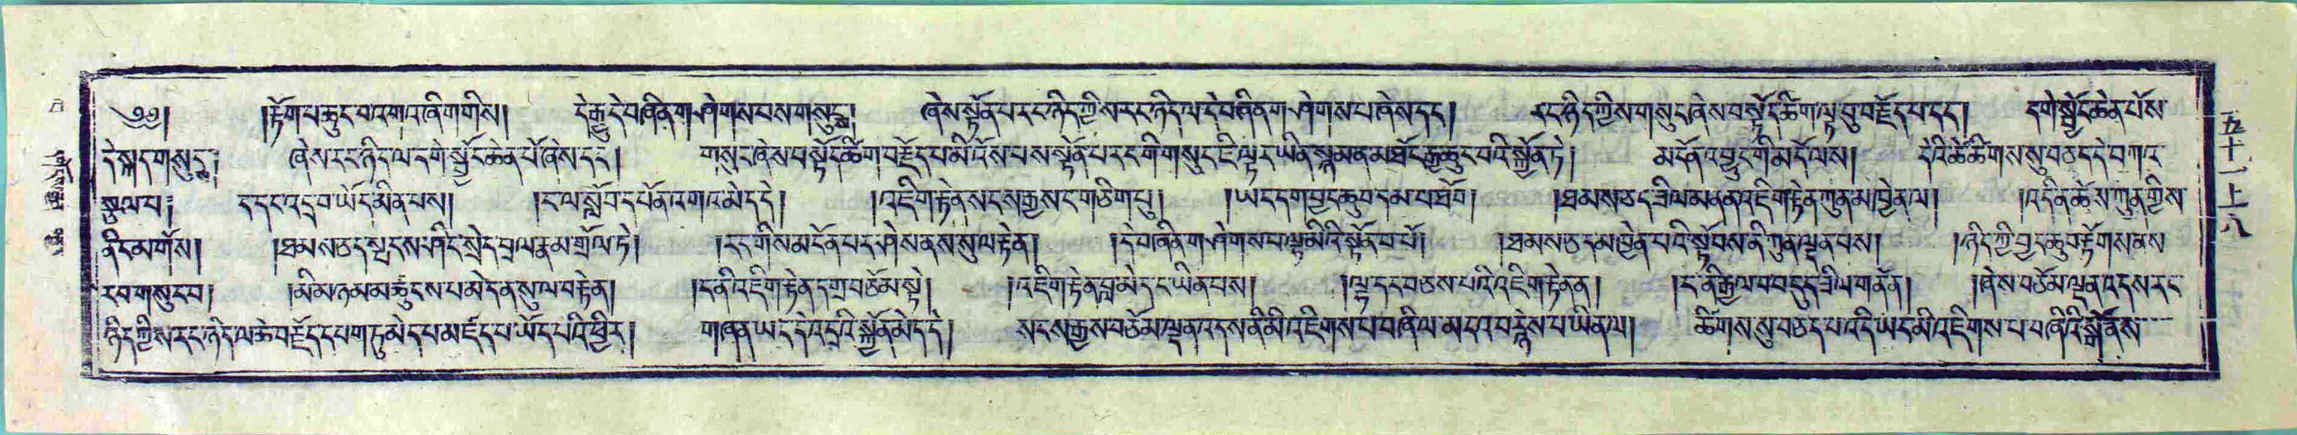རྟོག་པ་ཆུང་བ་འགའ་ཞིག་གིས། དེ་རྒྱུ་དེ་བཞིན་གཤེགས་པས་
གསུང་། ཞེས་སྟོན་པ་རང་ཉིད་ཀྱིས་རང་ཉིད་ལ་དེ་བཞིན་གཤེགས་པ་ཞེས་དང་། རང་ཉིད་ཀྱིས་གསུང་ཞེས་བསྟོད་ཚིག་ལྟ་བུ་བརྗོད་པ་དང་། དགེ་སྦྱོང་ཆེན་པོས་དེ་སྐད་གསུང་། ཞེས་
རང་ཉིད་ལ་དགེ་སྦྱོང་ཆེན་པོ་ཞེས་དང་། གསུང་ཞེས་བསྟོད་ཚིག་བརྗོད་པ་མི་འོས་པས་སྟོན་པ་རང་གི་གསུང་ཇི་ལྟར་ཡིན་སྙམ་ན་མཐོང་རྒྱ་ཆུང་བའི་སྐྱོན་ཏེ། མངོན་འབྱུང་གི་མདོ་ལས། དེའི་ཚེ་
ཚིགས་སུ་བཅད་དེ་བཀའ་སྩལ་པ། ང་དང་འདྲ་བ་ཡོད་མིན་པས། ང་ལ་སློབ་དཔོན་འགའ་མེད་དེ། །འཇིག་རྟེན་སངས་རྒྱས་ང་གཅིག་པུ། །ཡང་དག་བྱང་ཆུབ་དམ་པ་ཐོབ། །ཐམས་
ཅད་ཟིལ་མནན་འཇིག་རྟེན་ཀུན་མཁྱེན་ལ། །འདི་ན་ཆོས་ཀུན་གྱིས་ནི་ང་མ་གོས། །ཐམས་ཅད་སྤངས་ཤིང་སྲིད་བྲལ་རྣམ་གྲོལ་ཏེ། །རང་གིས་མངོན་པར་ཤེས་ནས་སུ་ལ་རྟེན། །དེ་བཞིན་
གཤེགས་པ་ལྷ་མིའི་སྟོན་པ་པོ། །ཐམས་ཅད་མཁྱེན་པའི་སྟོབས་ནི་ཀུན་ལྡན་པས། །ཉིད་ཀྱི་བྱང་ཆུབ་རྟོགས་ནས་རབ་གསུང་བ། །མི་མཉམ་མཚུངས་པ་མེད་ན་སུ་ལ་བརྟེན། ང་ནི་འཇིག་རྟེན་དགྲ་བཅོམ་སྟེ། །འཇིག་རྟེན་བླ་མེད་ང་ཡིན་པས། །ལྷ་དང་བཅས་པའི་འཇིག་རྟེན་ན། །ང་ནི་རྒྱལ་བ་བདུད་ཟིལ་གནོན། །ཞེས་བཅོམ་ལྡན་འདས་རང་ཉིད་ཀྱིས་རང་ཉིད་ལ་ཆེ་
བརྗོད་དཔག་ཏུ་མེད་པ་མཛད་པ་ཡོད་པའི་ཕྱིར། གཞན་ཡང་དེ་འདྲའི་སྐྱོན་མེད་དེ། སངས་རྒྱས་བཅོམ་ལྡན་འདས་ནི་མི་འཇིགས་པ་བཞི་ལ་མངའ་བརྙེས་པ་ཡིན་ལ། ཚིགས་སུ་
བཅད་པ་འདི་ཡང་མི་འཇིགས་པ་བཞིའི་སྒོ་ནས་